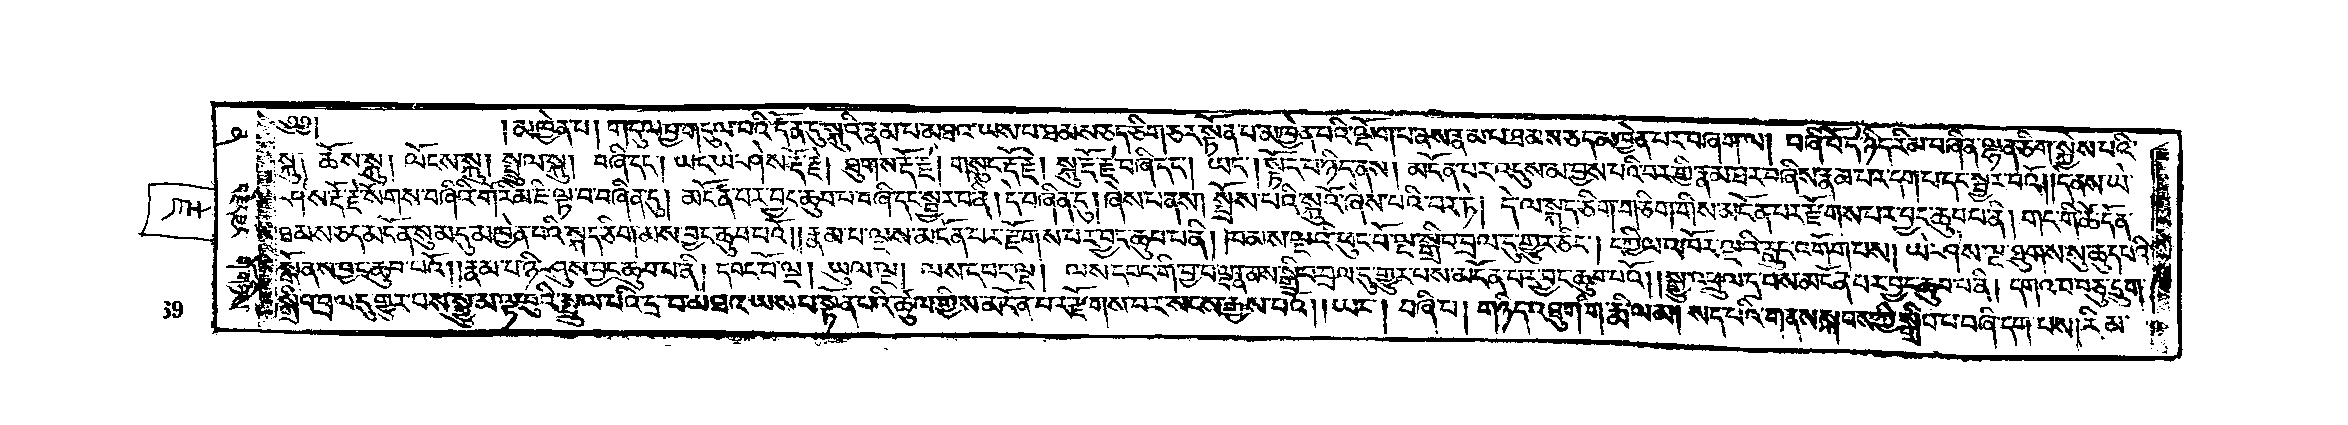༄༅། །མཁྱེན་པ། གདུལ་བྱ་གདུལ་བའི་དོན་དུ་སྐུའི་རྣམ་པ་མཐའ་ཡས་པ་ཐམས་ཅད་ཅིག་ཅར་སྟོན་པ་མཁྱེན་པའི་ལྡོག་པ་ནས་རྣམ་པ་ཐམས་ཅད་མཁྱེན་པར་བཞག་ལ། བཞི་པོ་དེ་ཉིད་རིམ་བཞིན་ལྷན་ཅིག་སྐྱེས་པའི་
སྐུ། ཆོས་སྐུ། ལོངས་སྐུ། སྤྲུལ་སྐུ། བཞི་དང་། ཡང་ཡེ་ཤེས་རྡོ་རྗེ། ཐུགས་རྡོ་རྗེ། གསུང་རྡོ་རྗེ། སྐུ་རྡོ་རྗེ་བཞི་དང་། ཡང་། སྟོང་པ་ཉིད་ནས། མངོན་པར་འདུས་མ་བྱས་པའི་བར་གྱི་རྣམ་ཐར་བཞིས་རྣམ་པར་དག་པ་དང་སྦྱར་བའོ། །དེ་ནས་ཡེ་
ཤེས་རྡོ་རྗེ་སོགས་བཞིའི་གོ་རིམ་ཇི་ལྟ་བ་བཞིན་དུ། མངོན་པར་བྱང་ཆུབ་པ་བཞི་དང་སྦྱར་བ་ནི། དེ་བཞིན་དུ། ཞེས་པ་ནས། སྤྲོས་པའི་སྐུའོ་ཞེས་པའི་བར་ཏེ། དེ་ལ་སྐད་ཅིག་གཅིག་གིས་མངོན་པར་རྫོགས་པར་བྱང་ཆུབ་པ་ནི། གང་གི་ཚེ་དོན་
ཐམས་ཅད་མངོན་སུམ་དུ་མཁྱེན་པའི་སྐད་ཅིག་མས་བྱང་ཆུབ་པའོ། །རྣམ་པ་ལྔས་མངོན་པར་རྫོགས་པར་བྱང་ཆུབ་པ་ནི། ཁམས་ལྔའི་ཕུང་པོ་ལྔ་སྒྲིབ་བྲལ་དུ་གྱུར་ཅིང་། དཀྱིལ་འཁོར་ལྔའི་རླུང་འགོག་པས། ཡེ་ཤེས་ལྔ་ཐུགས་སུ་ཆུད་པའི་
སྒོ་ནས་བྱང་ཆུབ་པའོ། །རྣམ་པ་ཉི་ཤུས་བྱང་ཆུབ་པ་ནི། དབང་པོ་ལྔ། ཡུལ་ལྔ། ལས་དབང་ལྔ། ལས་དབང་གི་བྱ་བ་ལྔ་རྣམས་སྒྲིབ་བྲལ་དུ་གྱུར་པས་མངོན་པར་བྱང་ཆུབ་པའོ། །སྒྱུ་འཕྲུལ་དྲ་བས་མངོན་པར་བྱང་ཆུབ་པ་ནི། དགའ་བ་བཅུ་དྲུག་
སྒྲིབ་བྲལ་དུ་གྱུར་པས་སྒྱུ་མ་ལྟ་བུའི་སྤྲུལ་པའི་དྲ་བ་མཐའ་ཡས་པ་སྟོན་པའི་ཚུལ་གྱིས་མངོན་པར་རྫོགས་པར་སངས་རྒྱས་པའོ། །ཡང་། བཞི་པ། གཉིད་འཐུག་གི་རྨི་ལམ། སད་པའི་གནས་སྐབས་ཀྱི་སྒྲིབ་པ་བཞི་དག་པས། རིམ་